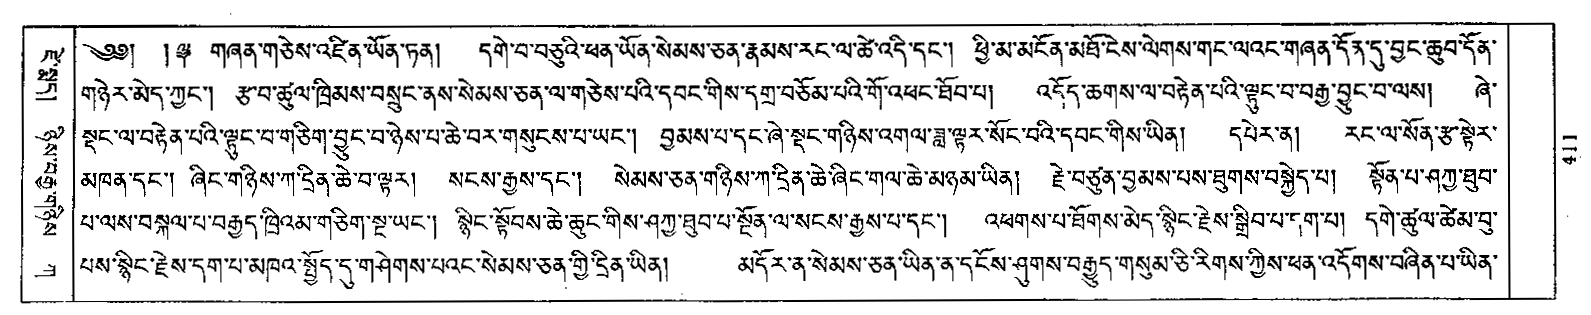༄༅། །༈ གཞན་གཅེས་འཛིན་ཡོན་ཏན། དགེ་བ་བཅུའི་ཕན་ཡོན་སེམས་ཅན་རྣམས་རང་ལ་ཚེ་འདི་དང་། ཕྱི་མ་མངོན་མཐོ་ངེས་ལེགས་གང་ལའང་གཞན་དོན་དུ་བྱང་ཆུབ་དོན་
གཉེར་མེད་ཀྱང་། རྩ་བ་ཚུལ་ཁྲིམས་བསྲུང་ནས་སེམས་ཅན་ལ་གཅེས་པའི་དབང་གིས་དགྲ་བཅོམ་པའི་གོ་འཕང་ཐོབ་པ། འདོད་ཆགས་ལ་བརྟེན་པའི་ལྟུང་བ་བརྒྱ་བྱུང་བ་ལས། ཞེ་
སྡང་ལ་བརྟེན་པའི་ལྟུང་བ་གཅིག་བྱུང་བ་ཉེས་པ་ཆེ་བར་གསུངས་པ་ཡང་། བྱམས་པ་དང་ཞེ་སྡང་གཉིས་འགལ་ཟླ་ལྟར་སོང་བའི་དབང་གིས་ཡིན། དཔེར་ན། རང་ལ་སོན་རྩ་སྟེར་
མཁན་དང་། ཞིང་གཉིས་ཀ་དྲིན་ཆེ་བ་ལྟར། སངས་རྒྱས་དང་། སེམས་ཅན་གཉིས་ཀ་དྲིན་ཆེ་ཞིང་གལ་ཆེ་མཉམ་ཡིན། རྗེ་བཙུན་བྱམས་པས་ཐུགས་བསྐྱེད་པ། སྟོན་པ་ཤཱཀྱ་ཐུབ་
པ་ལས་བསྐལ་པ་བརྒྱད་ཁྲིའམ་གཅིག་སྔ་ཡང་། སྙིང་སྟོབས་ཆེ་ཆུང་གིས་ཤཀྱ་ཐུབ་པ་སྔོན་ལ་སངས་རྒྱས་པ་དང་། འཕགས་པ་ཐོགས་མེད་སྙིང་རྗེས་སྒྲིབ་པ་དག་པ། དགེ་ཚུལ་ཚེམ་བུ་
པས་སྙིང་རྗེས་དག་པ་མཁའ་སྤྱོད་དུ་གཤེགས་པའང་སེམས་ཅན་གྱི་དྲིན་ཡིན། མདོར་ན་སེམས་ཅན་ཡིན་ན་དངོས་ཤུགས་བརྒྱུད་གསུམ་ཅི་རིགས་ཀྱིས་ཕན་འདོགས་བཞིན་པ་ཡིན་